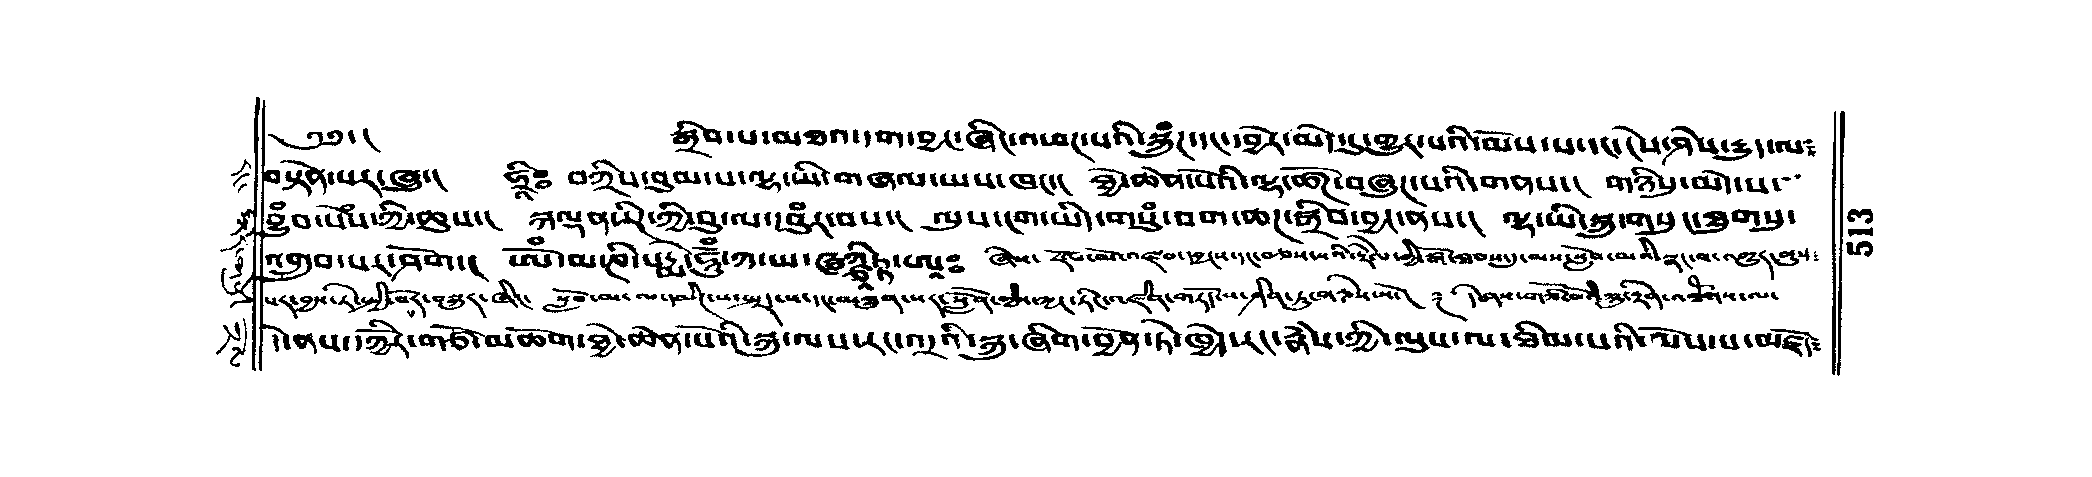སྒྲིབ་པ་མཐའ་དག་སྦྱང་ཞིང་འཕགས་པའི་སྐུ་གསུང་ཐུགས་དང་དབྱེར་མེད་དུ་གྱུར་པའི་མོས་པ་དང་ངེས་ཤེས་རྒྱུད་ལ་
བསྟེན་པར་ཞུ། ཧྲཱིཿ བཀྲ་ཤིས་བུམ་པ་ལྷ་ཡི་གཞལ་ཡས་ཁང་། །ཐུགས་རྗེ་ཆེན་པོ་ལྷ་ཚོགས་བཞུགས་པའི་གནས། །གཉིས་སུ་མེད་པ་
བྱང་ཆུབ་སེམས་ཀྱི་ཆུས། །སྐལ་ལྡན་རིགས་ཀྱི་བུ་ལ་དབང་བསྐུར་བས། །ལུས་ངག་ཡིད་གསུམ་བག་ཆགས་སྒྲིབ་བྱང་ནས། །ལྷའི་སྐུ་གསུང་ཐུགས་སུ་
འགྲུབ་པར་ཤོགཨོཾ་མ་ཎི་པདྨེ་ཧཱུྃ་ཀ་ཡ་ཝཀྐ་ཅིཏྟ་ཨཱཿ ཞེས་རོལ་མོ་འཛབ་དབྱངས་དང་བཅས་པའི་རྟེན་འབྲེལ་གྱིད་སྒོ་ཐབས་དུ་མས་སློབ་མའི་སྣང་བ་འགྱུར་ནུས་
པར་བྱས་ཏེ་སྤྱི་བོར་བསྐུར་ཞིང་། སློབ་མ་ལ་དམིགས་པ་སྤྲད་པ་དང་མཐུན་པར་སློབ་དཔོན་གྱིས་ཀྱང་ཏིང་འཛིན་གཏོད་པ་ཤིན་ཏུ་གཅེས་སོ། ༈ དེ་ནས་གཙོ་བོའི་སྐུ་རྟེན་འཐོགས་ལ། 
དེ་ནས་དཀྱིལ་འཁོར་གཙོ་མཆོག་ཐུགས་རྗེ་ཆེན་པོའི་སྐུ་ལས་རང་འདྲའི་སྐུ་ཞིག་བྱོན་ཏེ་ཁྱོད་རང་རྣམས་ཀྱི་ལུས་ལ་ཐིམ་པའི་མོས་པ་མཛོད་